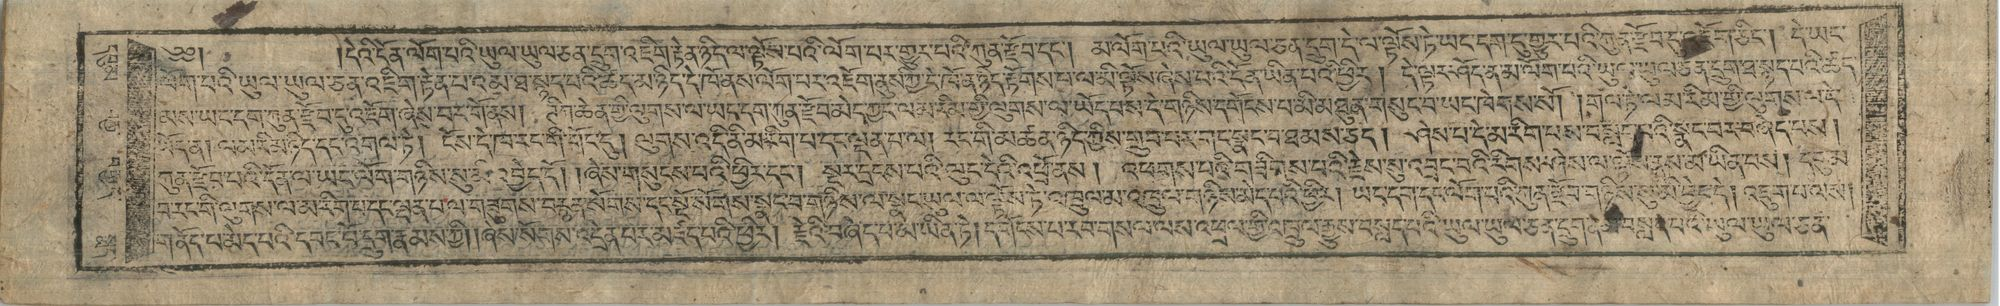༄༅། །དེའི་དོན་ལོག་པའི་ཡུལ་ཡུལ་ཅན་དྲུག་འཇིག་རྟེན་ཉིད་ལ་ལྟོས་པའི་ལོག་པར་གྱུར་པའི་ཀུན་རྫོབ་དང་། མ་ལོག་པའི་ཡུལ་ཡུལ་ཅན་དྲུག་དེ་ལ་ལྟོས་ཏེ་ཡང་དག་དུ་གྱུར་པའི་ཀུན་རྫོབ་དུ་འཇོག་ཅིང་། དེ་ཡང་
ལོག་པའི་ཡུལ་ཡུལ་ཅན་འཇིག་རྟེན་པ་འམ་ཐ་སྙད་པའི་ཚད་མ་ཉིད་དེ་ཁོ་ནས་ལོག་པར་འཇོག་ནུས་ཀྱི་དེ་ཁོ་ན་ཉིད་རྟོགས་པ་ལ་མི་ལྟོས་ཞེས་པའི་དོན་ཡིན་པའི་ཕྱིར། དེ་ལྟར་ཤོད་ན་མ་ལོག་པའི་ཡུལ་ཡུལ་ཅན་དྲུག་ཐ་སྙད་པའི་ཚད་
མས་ཡང་དག་ཀུན་རྫོབ་དུ་འཇོག་ཞེས་པར་གོ་ནས། ཊིཀཆེན་གྱི་ལུགས་ལ་ཡང་དག་ཀུན་རྫོབ་མེད་ཀྱང་ལམ་རིམ་གྱི་ལུགས་ལ་ཡོད་པས་དེ་གཉིས་དགོངས་པ་མི་མཐུན་གསུང་བ་ཡང་ཁེགས་སོ། །གལ་ཏེ་ལམ་རིམ་གྱི་ལུགས་ལ་དེ་
ཡོད་ན། ལམ་རིམ་ཉིད་དང་འགལ་ཏེ། ངོས་དེ་ཁོ་རང་གི་གོང་དུ། ལུགས་འདི་ནི་མ་རིག་པ་དང་ལྡན་པ་ལ། རང་གི་མཚན་ཉིད་ཀྱིས་གྲུབ་པར་གང་སྣང་བ་ཐམས་ཅད། ཤེས་པ་དེ་མ་རིག་པས་བསླད་པའི་སྣང་བར་བཞེད་པས།
ཀུན་རྫོབ་པའི་དོན་ལ་ཡང་ལོག་གཉིས་སུ་མི་འབྱེད་དོ། །ཞེས་གསུངས་པའི་ཕྱིར་དང་། སྔར་དྲངས་བའི་ལུང་དེའི་འཕྲོ་ནས། འཕགས་པའི་གཟིགས་པའི་རྗེས་སུ་འབྲང་བའི་རིགས་ཤེས་ལ་ལྟོས་ནས་མ་ཡིན་པས། དབུ་མ་
བ་རང་གི་ལུགས་ལ་མ་རིག་པ་དང་ལྡན་པ་ལ་གཟུགས་བརྙན་སོགས་དང་སྔོ་སོགས་སྣང་བ་གཉིས་ལ་སྣང་ཡུལ་ལ་ལྟོས་ཏེ་འཁྲུལ་མ་འཁྲུལ་གཉིས་མེད་པའི་ཕྱིར། ཡང་དག་དང་ལོག་པའི་ཀུན་རྫོབ་གཉིས་སུ་མི་བྱེད་དེ། འཇུག་པ་ལས།
གནོད་པ་མེད་པའི་དབང་པོ་དྲུག་རྣམས་ཀྱི། །ཞེས་སོགས་འདྲེན་པར་མཛད་པའི་ཕྱིར། རྗེའི་བཞེད་པ་མ་ཡིན་ཏེ། དགོངས་པ་རབ་གསལ་ལས་འཕྲལ་གྱི་འཁྲུལ་རྒྱུས་བསླད་པའི་ཡུལ་ཡུལ་ཅན་དྲུག་མ་བསླད་པའི་ཡུལ་ཡུལ་ཅན་